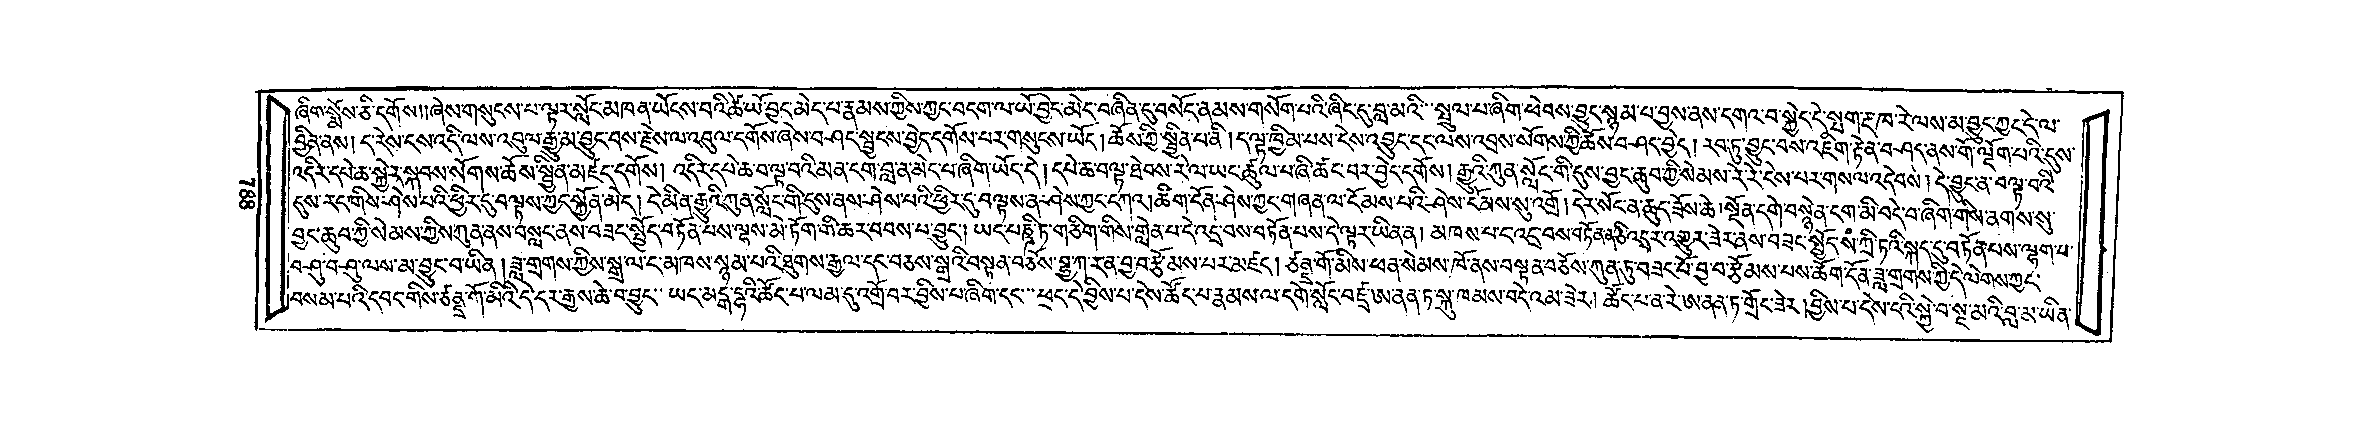ཞིག་སྨོས་ཅི་དགོས། །ཞེས་གསུངས་པ་ལྟར་སློང་མཁན་ཡོངས་བའི་ཚེ་ཡོ་བྱད་མེད་པ་རྣམས་ཀྱིས་ཀྱང་བདག་ལ་ཡོ་བྱེད་མེད་བཞིན་དུ་བསོད་ནམས་གསོག་པའི་ཞིང་དུ་བླ་མའི་སྤྲུལ་པ་ཞིག་ཕེབས་བྱུང་སྙམ་པ་བྱས་ནས་དགའ་བ་སྐྱེད་དེ་སྤག་རྡ་ཁ་རེ་ལས་མ་བྱུང་ཀྱང་དེ་ལ་
བྱིན་ནས། ད་རེས་ངས་འདི་ལས་འབུལ་རྒྱུ་མ་བྱུང་བས་རྗེས་ལ་འབུལ་དགོས་ཞེས་བཤད་སྦྱངས་བྱེད་དགོས་པར་གསུངས་ཡོད། ཆོས་ཀྱི་སྦྱིན་པ་ནི། ད་ལྟ་ཁྱིམ་པས་ངེས་འབྱུང་དང་ལས་འབྲས་སོགས་ཀྱི་ཆོས་བཤད་བྱེད། རབ་ཏུ་བྱུང་བས་འཇིག་རྟེན་བཤད་ནས་གོ་ལྡོག་པའི་དུས་
འདིར་དཔེ་ཆ་སྐྱེར་སྐབས་སོགས་ཆོས་སྦྱིན་མཛད་དགོས། འདིར་དཔེ་ཆ་བ་ལྟ་བའི་མན་ངག་བླ་ན་མེད་པ་ཞིག་ཡོད་དེ། དཔེ་ཆ་བ་ལྟ་ཐེབས་རེ་ལ་ཡང་ཚུལ་པ་ཞི་ཚང་བར་བྱེད་དགོས། རྒྱུའི་ཀུན་སློང་གི་དུས་བྱང་ཆུབ་ཀྱི་སེམས་རེ་རེ་ངེས་པར་གསལ་འདེབས། དེ་བྱུང་ན་བལྟ་བའི་
དུས་རང་གིས་ཤེས་པའི་ཕྱིར་དུ་བལྟས་ཀྱང་སྐྱོན་མེད། དེ་མིན་རྒྱུའི་ཀུན་སློང་གི་དུས་ནས་ཤེས་པའི་ཕྱིར་དུ་བལྟས་ན་ཤེས་ཀྱང་དཀའ། ཚིག་དོན་ཤེས་ཀྱང་གཞན་ལ་ངོམས་པའི་ཤེས་ངོམས་སུ་འགྲོ་།དེར་སོང་ན་ཆུད་ཟོས་ཆེ། སྔོན་དགེ་བསྙེན་ངག་མི་བདེ་བ་ཞིག་གིས་ནགས་སུ་
བྱང་ཆུབ་ཀྱི་སེམས་ཀྱིས་ཀུན་ནས་བསླང་ནས་བཟང་སྤྱོད་བཏོན་པས་ལྷས་མེ་ཏོག་གི་ཆར་བབས་པ་བྱུང་། ཡང་པཎྜི་ཏ་གཅིག་གིས་གླེན་པ་དེ་འདྲ་བས་བཏོན་པས་དེ་ལྟར་ཡིན་ན། མཁས་པ་ང་འདྲ་བས་བཏོན་ན་ཅི་འདྲར་འགྱུར་ཟེར་ནས་བཟང་སྤྱོད་སཾ་ཀྲི་ཏའི་སྐད་དུ་བཏོན་པས་ལྷག་པ་
བཤུ་བཤུ་ལས་མ་བྱུང་བ་ཡིན། ཟླ་གྲགས་ཀྱིས་སྒྲ་ལ་ང་མཁས་སྙམ་པའི་ཐུགས་རྒྱལ་དང་བཅས་སྒྲའི་བསྟན་བཅོས་བྷྱ་ཀ་ར་ན་བྱ་བ་རྩོམས་པར་མཛད། ཙནྡྲ་གོ་མིས་ཕན་སེམས་ཁོ་ནས་བསྟན་བཅོས་ཀུན་ཏུ་བཟང་པོ་བྱ་བ་རྩོམས་པས་ཆོག་དོན་ཟླ་གྲགས་ཀྱི་དེ་ལེགས་ཀྱང་
བསམ་པའི་དབང་གིས་ཙནྡྲ་གོ་མིའི་དེ་དར་རྒྱས་ཆེ་བ་བྱུང་ཡང་མངྒ་དྷའི་ཚོང་པ་ལམ་དུ་འགྲོ་བར་བྱིས་པ་ཞིག་དང་ཕྲད་དེ་བྱིས་པ་དེས་ཚོང་པ་རྣམས་ལ་དགེ་སློང་བྫྲ་ཨ་ནན་ཏ་སྐུ་ཁམས་བདེ་འམ་ཟེར། ཚོང་པ་ན་རེ་ཨ་ནན་ཏ་གྲོང་ཟེར། བྱིས་པ་དེས་ངའི་སྐྱེ་བ་སྔ་མའི་བླ་མ་ཡིན་